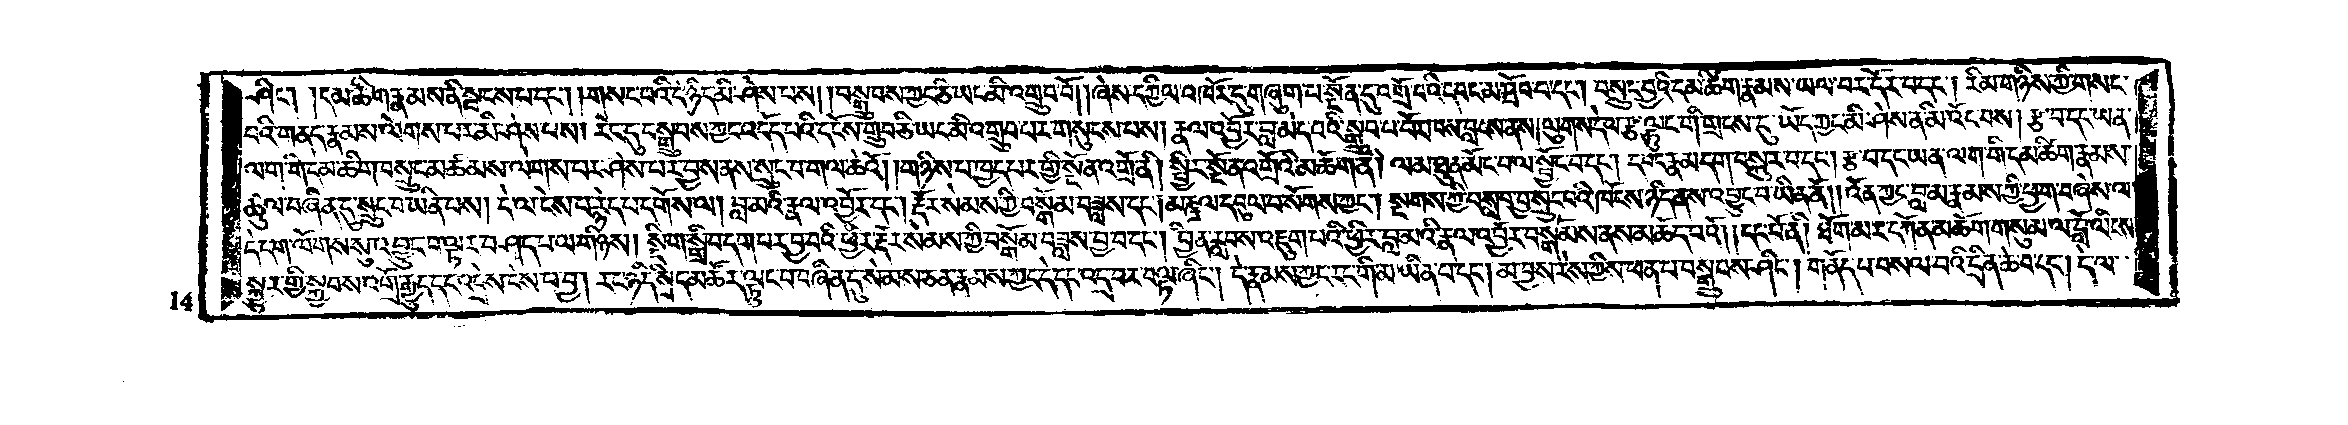ཤིང་། །དམ་ཚིག་རྣམས་ནི་སྤངས་པ་དང་། །གསང་བའི་དེ་ཉིད་མི་ཤེས་པས། །བསྒྲུབས་ཀྱང་ཅི་ཡང་མི་འགྲུབ་པོ། །ཞེསཔ༈༴ཧཔ}
པས། རྣལ་འབྱོར་བླ་མེད་པའི་སྒྲུབ་པ་པོར་ཁས་བླངས་ནས། ལུགས་དེ་ལ་རྩ་ལྟུང་གི་གྲངས་དུ་ཡོད་ཀྱང་མི་ཤེས་ན་མི་འོང་བས། རྩ་བ་དང་ཡན་
ལག་གི་དམ་ཚིག་བསྲུང་མཚམས་ལེགས་པར་ཤེས་པར་བྱས་ནས་སྲུང་བ་གལ་ཆེའོ། །གཉིས་པ་ཁྱད་པར་གྱི་སྔོན་འགྲོ་ནི། སྤྱིར་སྔོན་འགྲོའི་མཆོག་ནི། ལམ་ཐུན་མོང་བ་ལ་སྦྱོང་བ་དང་། དབང་རྣམ་དག་བསྐུར་བ་དང་། རྩ་བ་དང་ཡན་ལག་གི་དམ་ཚིག་རྣམས་
ཚུལ་བཞིན་དུ་སྲུང་བ་ཡིན་པས། དེ་ལ་ངེས་པ་རྙེད་པ་དགོས་ལ། བླ་མའི་རྣལ་འབྱོར་དང་། རྡོར་སེམས་ཀྱི་བསྒོམ་བཟླས་དང་། མཎྜལ་དབུལ་བ་སོགས་ཀྱང་། སྔགས་ཀྱི་བསླབ་བྱ་སྲུང་བའི་ཁོངས་ཉིད་ནས་འབྱུང་བ་ཡིན་ནོ། །འོན་ཀྱང་བླ་མ་རྣམས་ཀྱི་ཕྱག་བཞེས་ལ་
དེ་དག་ལོགས་སུ་འབྱུང་བ་ལྟར་བཤད་པ་ལ་གཉིས། སྡིག་སྒྲིབ་དག་པར་བྱ་བའི་ཕྱིར་རྡོར་སེམས་ཀྱི་བསྒོམ་བཟླས་བྱ་བ་དང་། བྱིན་རླབས་འཇུག་པའི་ཕྱིར་བླ་མའི་རྣལ་འབྱོར་བསྒོམས་ནས་མཆོད་པའོ། །དང་པོ་ནི། ཐོག་མར་དཀོན་མཆོག་གསུམ་ལ་བློ་ལིངས་
སྒྱུར་གྱི་སྐྱབས་འགྲོ་རྒྱུད་དང་འདྲེས་ངེས་པ་བྱ། རང་ཉིད་སྲིད་མཚོར་ལྟུང་བ་བཞིན་དུ་སེམས་ཅན་རྣམས་ཀྱང་དེ་དང་འདྲ་བར་བལྟ་ཞིང་། དེ་རྣམས་ཀྱང་རང་གི་མ་ཡིན་པ་དང་། མ་བྱས་རེས་ཀྱིས་ཕན་པ་བསྒྲུབས་ཤིང་། གནོད་པ་བསལ་བའི་དྲིན་ཆེ་བ་དང་། དེ་ལ་